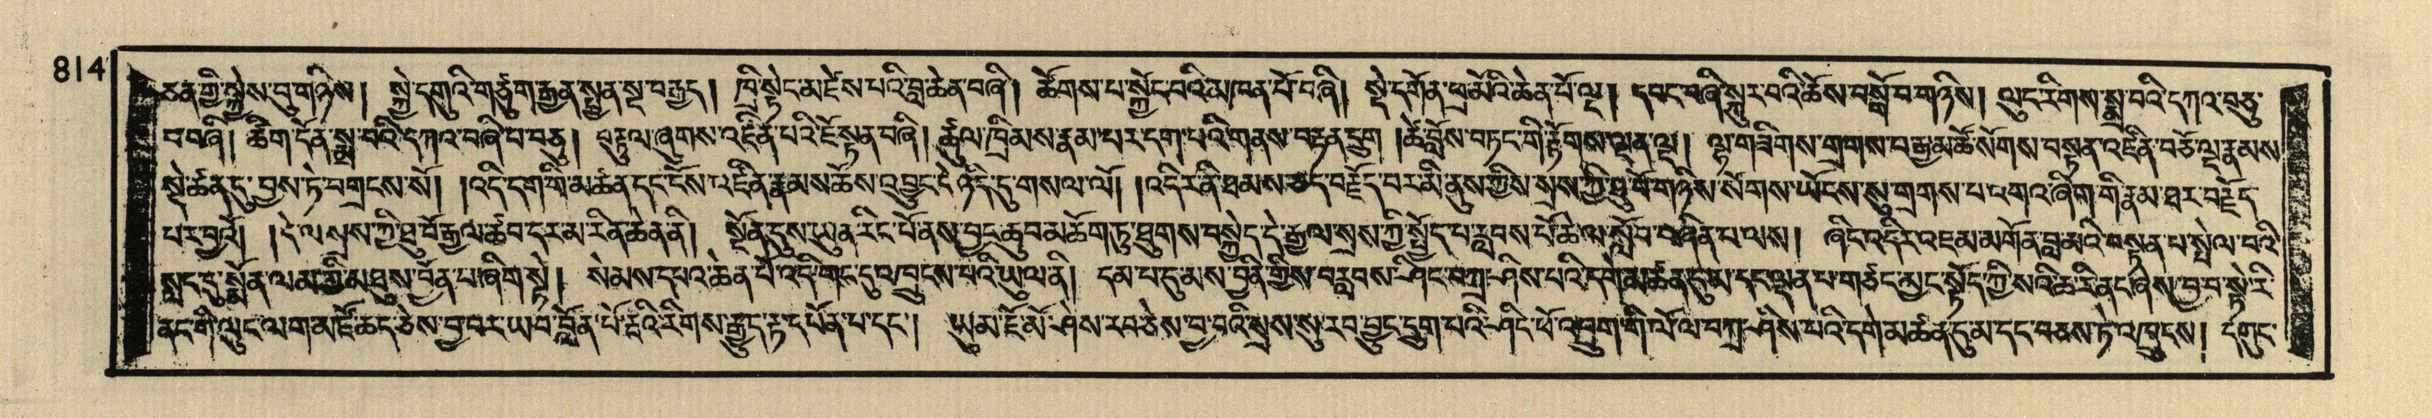ཅན་གྱི་སྐྱེས་བུ་གཉིས། སྐྱེ་དགུའི་གཙུག་རྒྱན་སྤྱན་སྔ་བརྒྱད། ཁྲི་སྟེང་མཛེས་པའི་བླ་ཆེན་བཞི། ཚོགས་པ་སྐྱོང་བའི་མཁན་པོ་བཞི། སྡེ་དགོན་ཕྲ་མོའི་ཆེན་པོ་ལྔ། དབང་བཞི་སྐུར་བའི་ཆོས་བསྒོ་བ་གཉིས། ལུང་རིགས་སྨྲ་བའི་དཀའ་བཅུ་
བ་བཞི། ཚིག་དོན་སྨྲ་བའི་དཀའ་བཞི་པ་བཅུ། བརྟུལ་ཞུགས་འཛིན་པའི་ཇོ་སྟན་བཞི། ཚུལ་ཁྲིམས་རྣམ་པར་དག་པའི་གནས་བརྟན་དྲུག །ཚེ་བློས་བཏང་གི་རྟོགས་ལྡན་ལྔ། ལྷ་གཟིགས་གྲགས་པ་རྒྱ་མཚོ་སོགས་བསྟན་འཛིན་བཅོ་ལྔ་རྣམས་
སྡེ་ཚན་དུ་བྱས་ཏེ་བགྲངས་སོ། །འདི་དག་གི་མཚན་དང་ངོས་འཛིན་རྣམས་ཆོས་འབྱུང་དེ་ཉིད་དུ་གསལ་ལོ། །འདིར་ནི་ཐམས་ཅད་བརྗོད་པར་མི་ནུས་ཀྱིས་སྲས་ཀྱི་ཐུ་བོ་གཉིས་སོགས་ཡོངས་སུ་གྲགས་པ་འགའ་ཞིག་གི་རྣམ་ཐར་བརྗོད་
པར་བྱའོ། །དེ་ལ་སྲས་ཀྱི་ཐུ་བོ་རྒྱལ་ཚབ་དར་མ་རིན་ཆེན་ནི། སྔོན་དུས་ཡུན་རིང་པོ་ནས་བྱང་ཆུབ་མཆོག་ཏུ་ཐུགས་བསྐྱེད་དེ་རྒྱལ་སྲས་ཀྱི་སྤྱོད་པ་རླབས་པོ་ཆེ་ལ་སློབ་བཞིན་པ་ལས། ཞིང་འདིར་འཇམ་མགོན་བླ་མའི་བསྟན་པ་སྤེལ་བའི་
སླང་དུ་སྨོན་ལམ་གྱི་མཐུས་བྱོན་པ་ཞིག་སྟེ། སེམས་དཔའ་ཆེན་པོ་འདི་གང་དུ་འཁྲུངས་པའི་ཡུལ་ནི། དམ་པ་དུ་མས་བྱིན་གྱིས་བརླབས་ཤིང་བཀྲ་ཤིས་པའི་དགེ་མཚན་དུ་མ་དང་ལྡན་པ་གཙང་མྱང་སྟོད་ཀྱི་སའི་ཆ་རི་ནང་ཞེས་བྱ་བ་སྟེ་རི་
ནང་གི་ལུང་ལག་མཛོ་ཆད་ཅེས་བྱ་བར་ཡབ་བློན་པོ་རྔའི་རིགས་རྒྱུད་རྟ་དཔོན་པ་དང་། ཡུམ་ཇོ་མོ་ཤེས་རབ་ཅེས་བྱ་བའི་སྲས་སུ་རབ་བྱུང་དྲུག་པའི་ཤིང་ཕོ་འབྲུག་གི་ལོ་ལ་བཀྲ་ཤིས་པའི་དགེ་མཚན་དུ་མ་དང་བཅས་ཏེ་འཁྲུངས། དགུང་